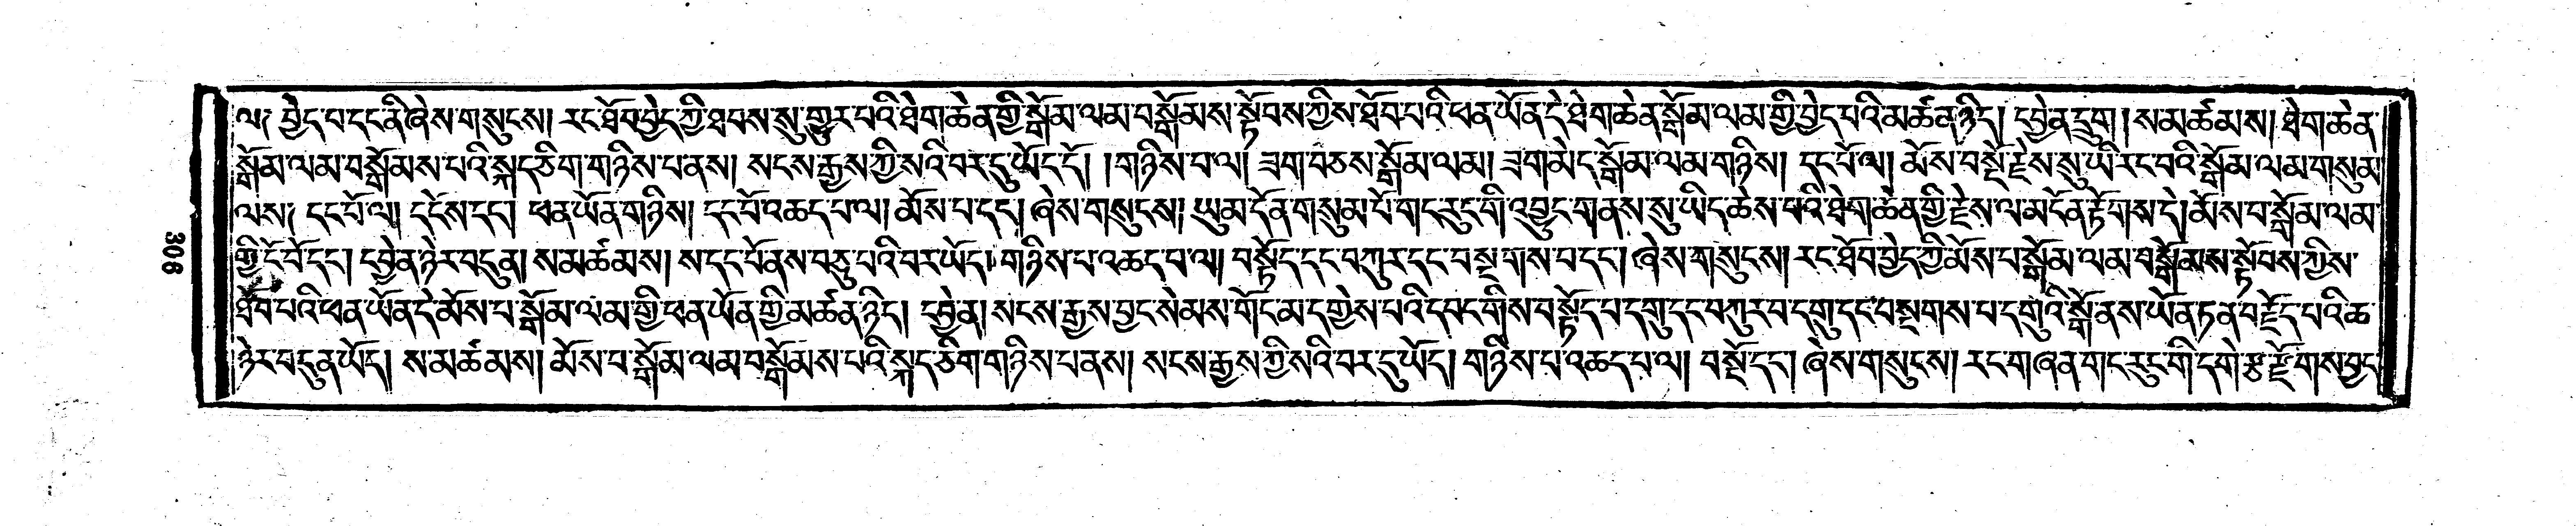ལ༑ བྱེད་པ་དང་ནི་ཞེས་གསུངས། རང་ཐོབ་བྱེད་ཀྱི་ཐབས་སུ་གྱུར་པའི་ཐེག་ཆེན་གྱི་སྒོམ་ལམ་བསྒོམས་སྟོབས་ཀྱིས་ཐོབ་པའི་ཕན་ཡོན་དེ་ཐེག་ཆེན་སྒོམ་ལམ་གྱི་བྱེད་པའི་མཚན་ཉིད། དབྱེ་ན་དྲུག །ས་མཚམས། ཐེག་ཆེན་
སྒོམ་ལམ་བསྒོམས་པའི་སྐད་ཅིག་གཉིས་པ་ནས། སངས་རྒྱས་ཀྱི་སའི་བར་དུ་ཡོད་དོ། །གཉིས་པ་ལ། ཟག་བཅས་སྒོམ་ལམ། ཟག་མེད་སྒོམ་ལམ་གཉིས། དང་པོ་ལ། མོས་པ་སྔོ་རྗེས་སུ་ཡི་རང་བའི་སྒོམ་ལམ་གསུམ་
ལས༑ དང་པོ་ལ། དངོས་དང་། ཕན་ཡོན་གཉིས། དང་པོ་འཆད་པ་ལ། མོས་པ་དང་། ཞེས་གསུངས། ཡུམ་དོན་གསུམ་པོ་གང་རུང་གི་འབྱུང་གནས་སུ་ཡིད་ཆེས་པའི་ཐེག་ཆེན་གྱི་རྗེས་ལ་མངོན་རྟོགས་དེ། མོས་པ་སྒོམ་ལམ་
གྱི་ངོ་བོ་དང་། དབྱེ་ན་ཉེར་བདུན། ས་མཚམས། ས་དང་པོ་ནས་བཅུ་པའི་བར་ཡོད། གཉིས་པ་འཆད་པ་ལ། བསྟོད་དང་བཀུར་དང་བསྔགས་པ་དང་། ཞེས་གསུངས། རང་ཐོབ་བྱེད་ཀྱི་མོས་པ་སྒོམ་ལམ་བསྒོམས་སྟོབས་ཀྱིས་
ཐོབ་པའི་ཕན་ཡོན་དེ་མོས་པ་སྒོམ་ལམ་གྱི་ཕན་ཡོན་གྱི་མཚན་ཉིད། དབྱེ་ན། སངས་རྒྱས་བྱང་སེམས་གོང་མ་དགྱེས་པའི་དབང་གིས་བསྟོད་པ་དགུ་དང་བཀུར་བ་དགུ་དང་བསྔགས་པ་དགུའི་སྒོ་ནས་ཡོན་ཏན་བརྗོད་པའི་ཆ་
ཉེར་བདུན་ཡོད། ས་མཚམས། མོས་པ་སྒོམ་ལམ་བསྒོམས་པའི་སྐད་ཅིག་གཉིས་པ་ནས། སངས་རྒྱས་ཀྱི་སའི་བར་དུ་ཡོད། གཉིས་པ་འཆད་པ་ལ། བསྔོ་དང་། ཞེས་གསུངས། རང་གཞན་གང་རུང་གི་དགེ་རྩ་རྫོགས་བྱང་